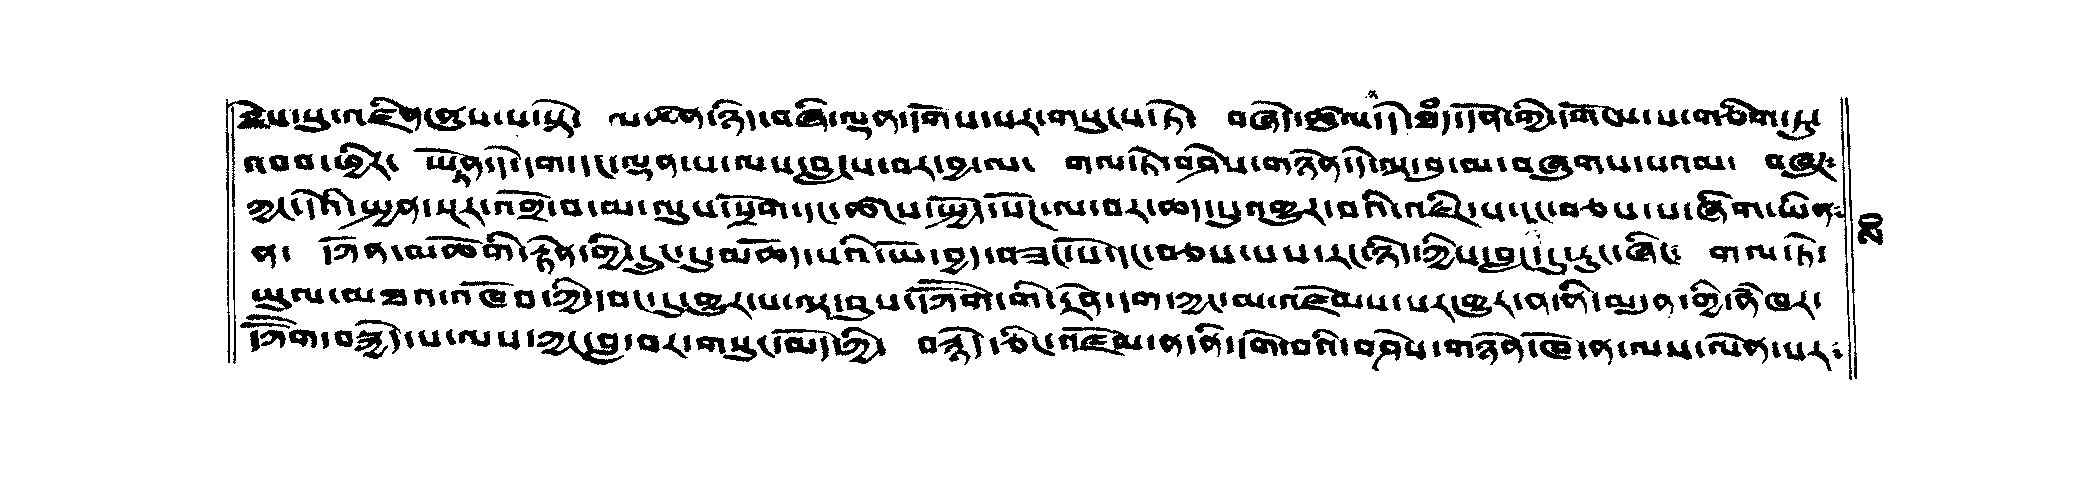རྗེས་སུ་འཛིན་ནུས་པ་སྟེ། མཚན་ཉིད་བཞི་ལྡན་དགོས་པར་གསུངས་ཏེ། བཞེད་ཚུལ་དེ་ཐམས་ཅད་དོན་གྱི་དགོངས་པ་གཅིག་ཏུ་
འབབ་ཕྱིར། ཡོན་ཏན་དེ་དག་དང་ལྡན་པ་ལས་བླངས་བར་བྱ་ལ། གལ་ཏེ་བཤེས་གཉེན་དེ་ལྟ་བུ་མ་བཞུགས་པའམ། བཞུགས་
ཀྱང་དེའི་སྤྱན་སྔར་འགྲོ་བ་མ་ལུས་སྲོག་དང་ཚངས་སྤྱོད་སོགས་ལ་བར་ཆད་དུ་འགྱུར་བའི་འཇིགས་པ་དང་བཅས་པ་ཞིག་ཡིན་
ན། དཀོན་མཆོག་གི་རྟེན་གྱི་དྲུང་དུ་མཆོད་པའི་ཡོ་བྱད་བཟང་པོ་དང་བཅས་པས་རང་ཉིད་ཀྱིས་བླང་དུ་རུང་ཞིང་། གསལ་ཏེ་
ཡུལ་མཐའ་འཁོབ་ཀྱི་དབང་དུ་གྱུར་པ་ལྟ་བུས་དཀོན་མཆོག་གི་རྟེན་དག་ཀྱང་མ་འཛོམས་པར་གྱུར་ན་ནི་མདུན་གྱི་ནམ་མཁར་
དཀོན་མཆོག་བསྐྱེད་པ་ལས་ཀྱང་བླ་བར་གསུང་མོད་ཀྱི།བརྙེད་ཅིང་འཛོམ་ན་ནི་དགེ་བའི་བཤེས་གཉེན་ཁོ་ན་ལས་ལེན་པར་